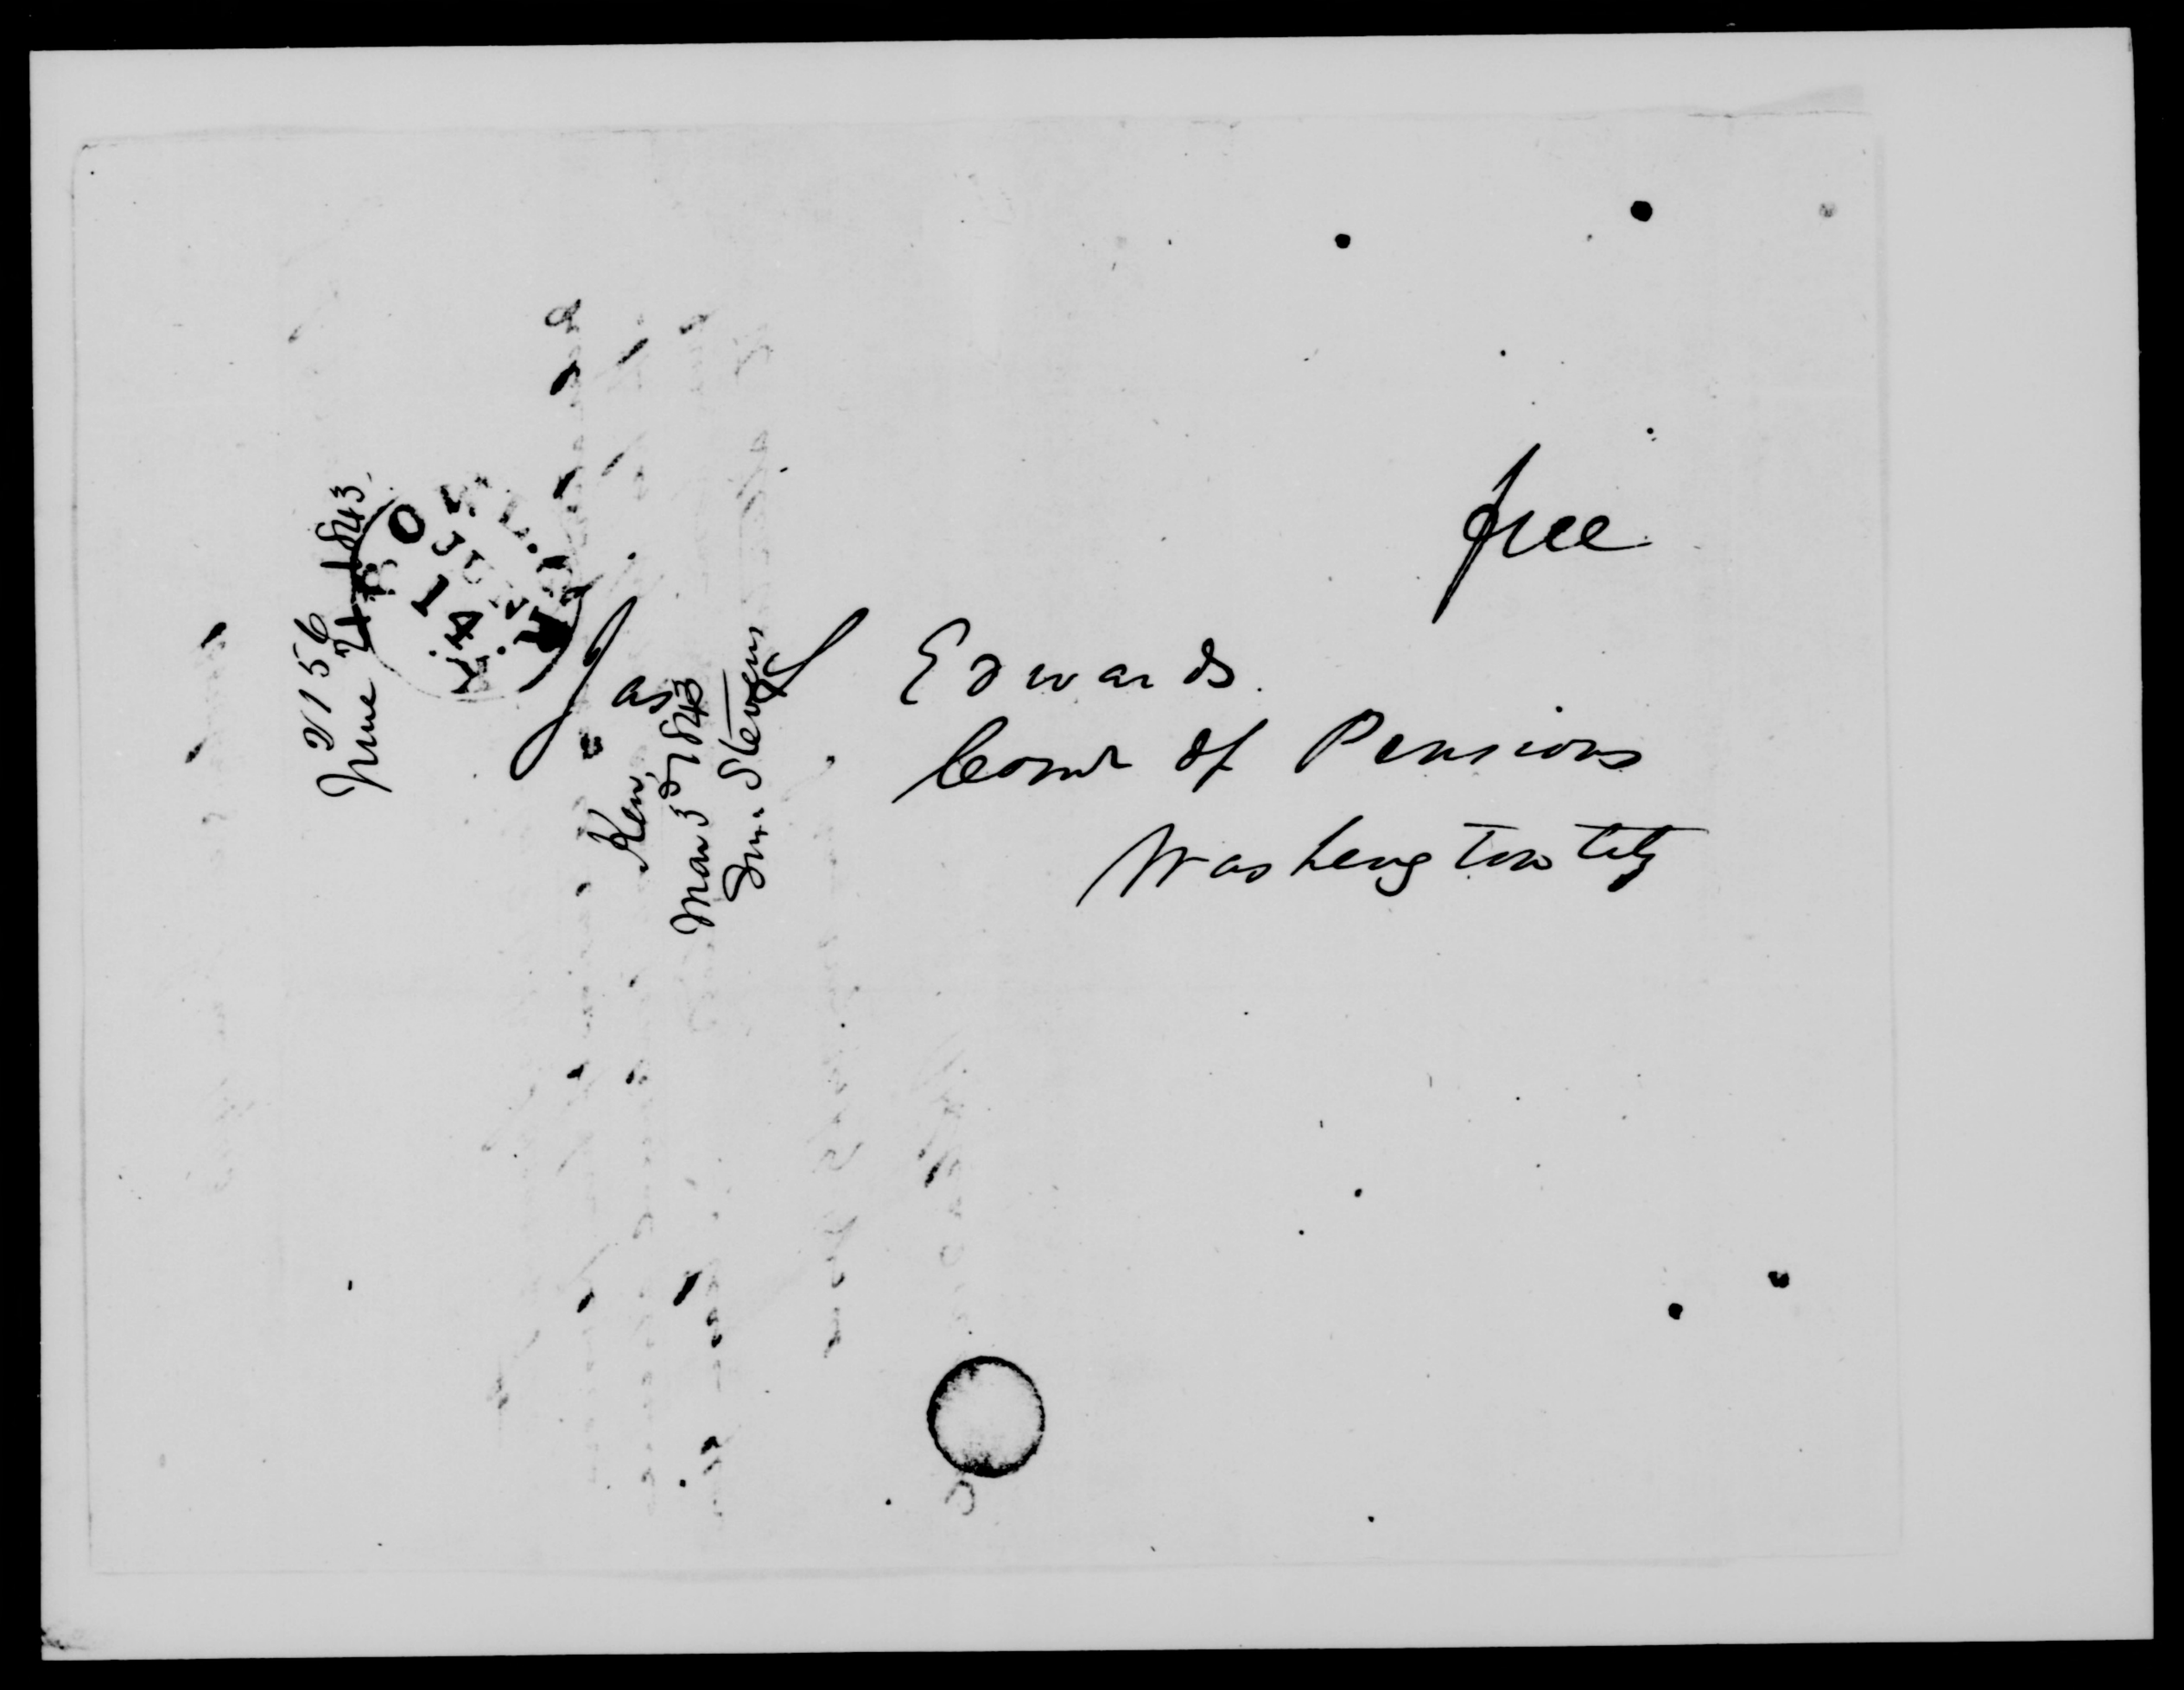free
Jas L Edwards
Comr of Pensions
Washington City

[Writing facing other way]
2156
June 21 1843

[stamped first part illegible]
Jun 14

Ken
Mar 3 1843
[illegible] Stevens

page: 66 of 99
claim: widow's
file: W 8766, for James Stevens, Virginia